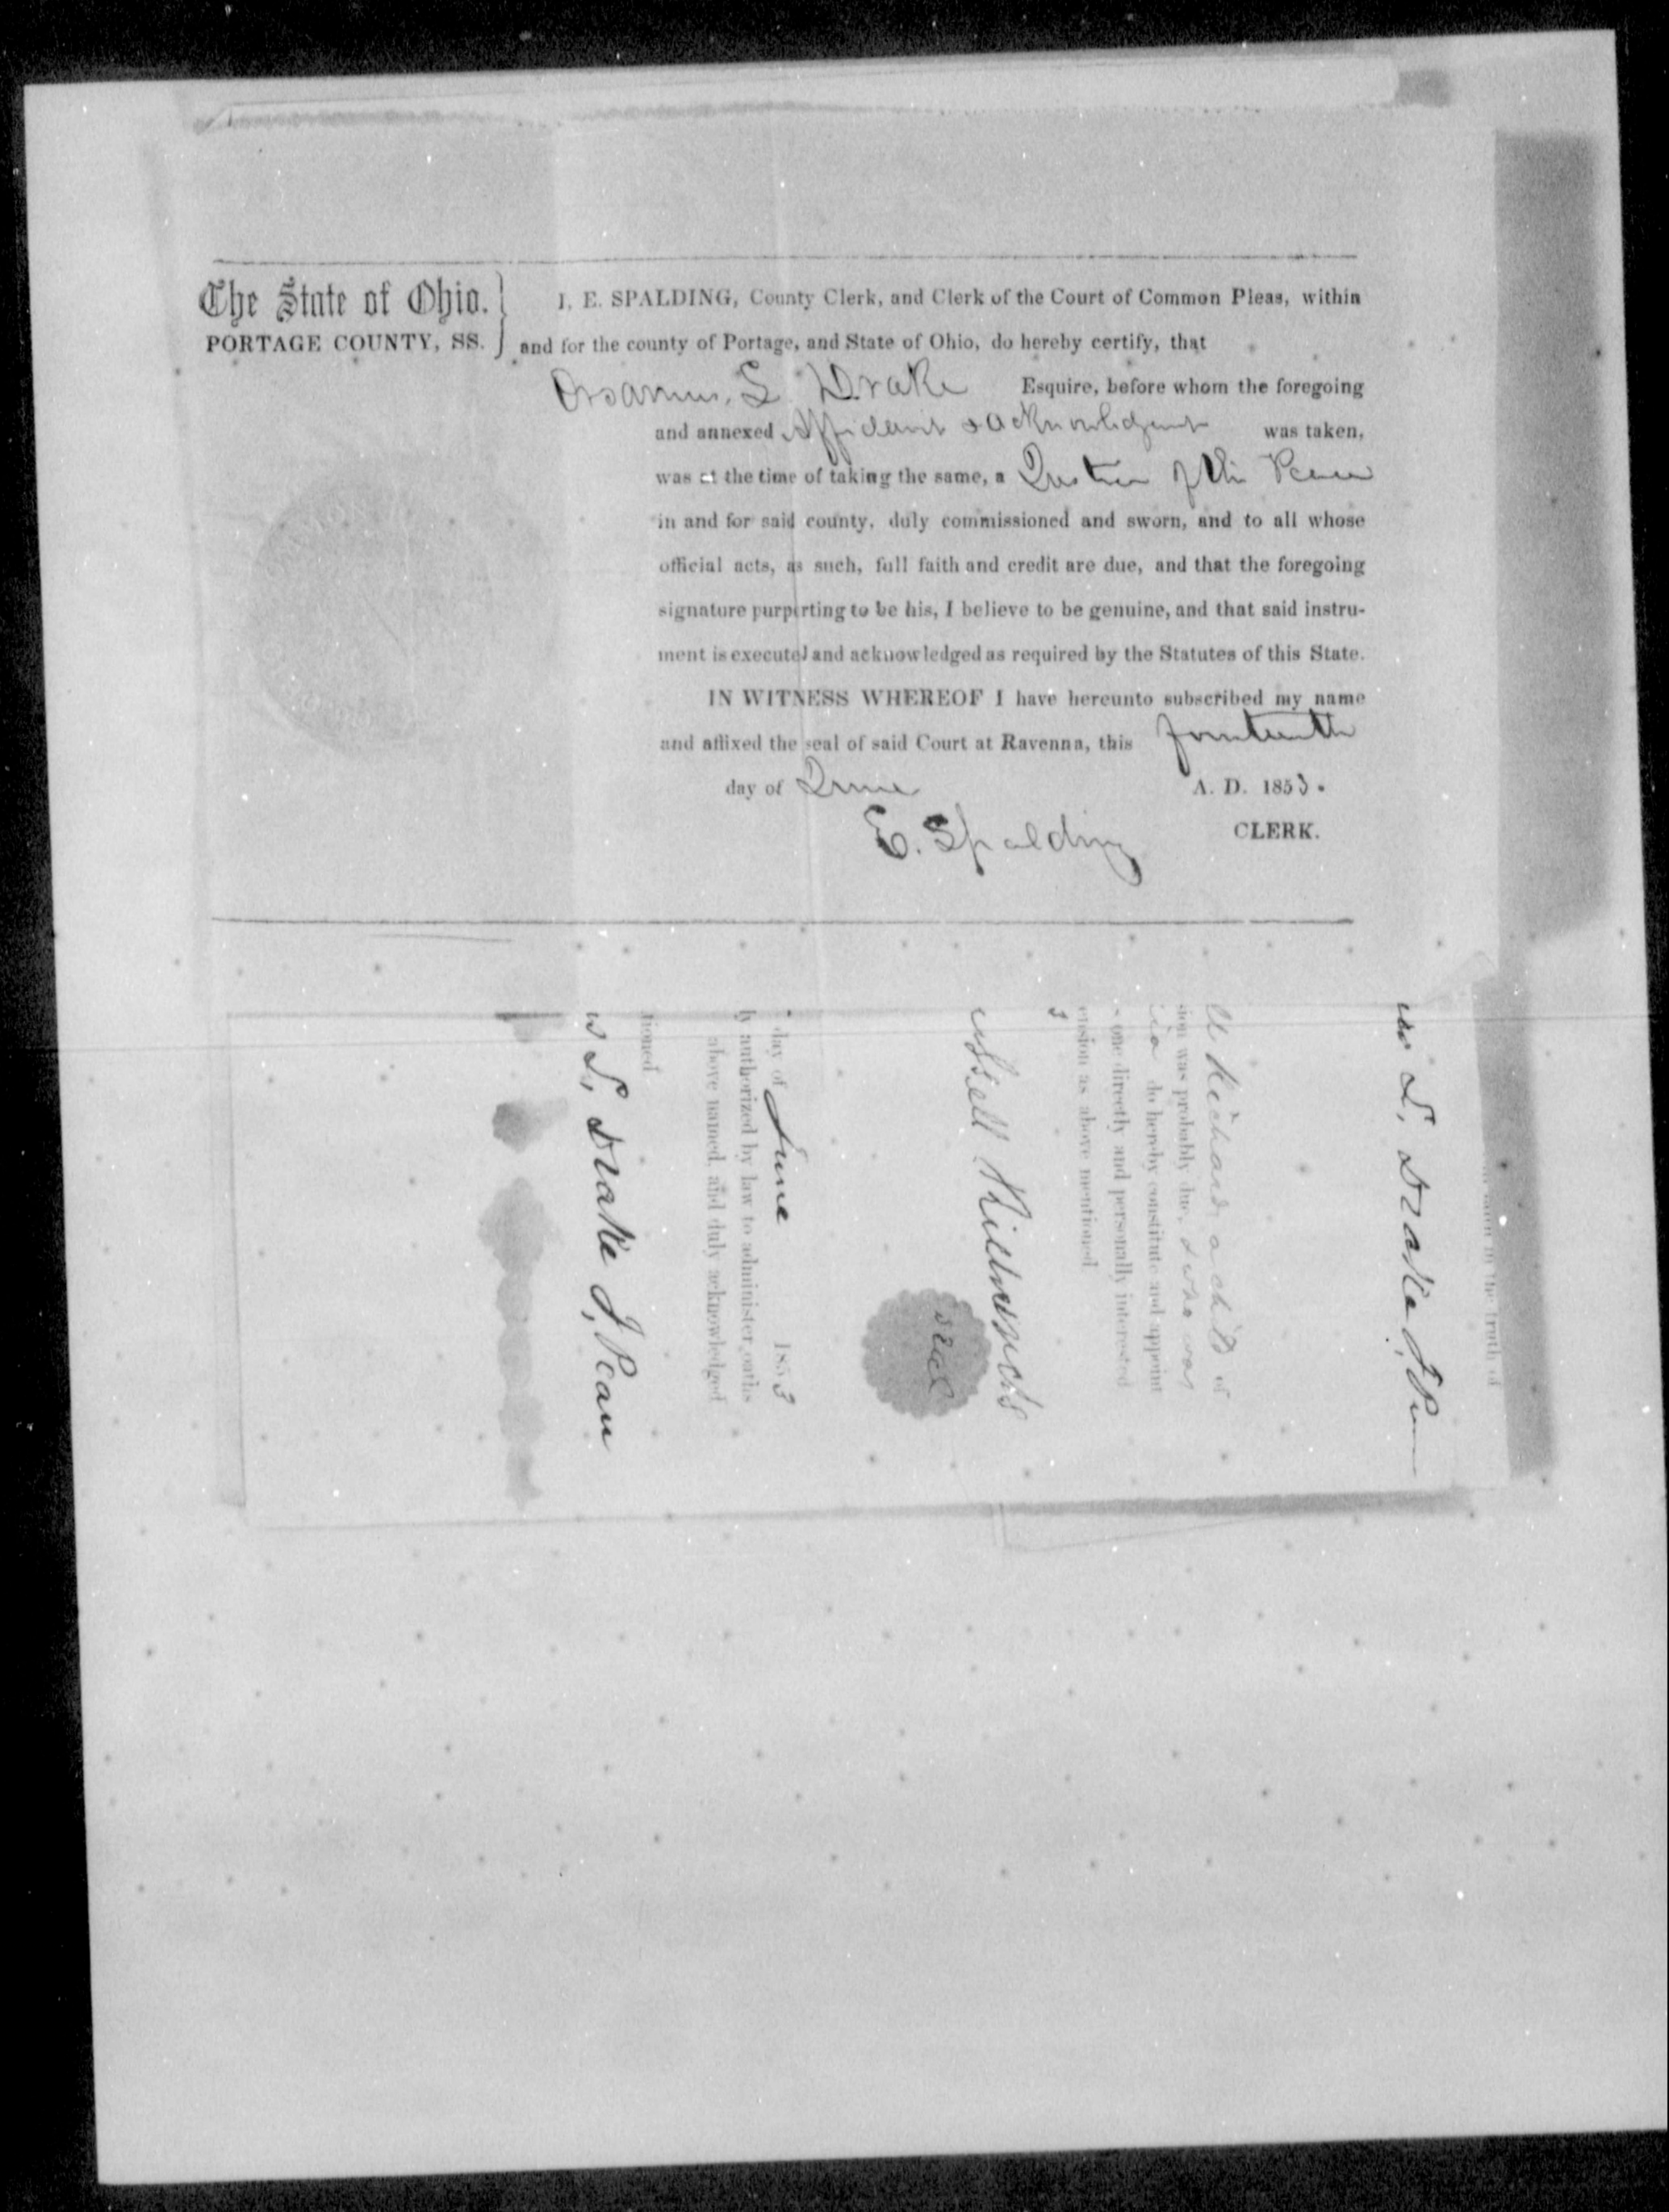The State of Ohio. PORTAGE COUNTY, SS.}
I, E. SPALDING, County Clerk, and Clerk of the Court of Common Pleas, within and for the county of Portage, and State of Ohio, do hereby certify, that Orsamus L Drake Esquire, before whom the foregoing and annexed affidavit & acknowledgment was taken,
was at the time of taking the same, Justice of the Peace in and for said county, duly commissioned and sworn, and to all whose
official acts, as such, full faith and credit are due, and that the foregoing signature purporting to be his, I believe to be genuine, and that said instrument is executed and acknowledged as required by the Statutes of this State.
IN WITNESS WHEREOF I have hereunto subscribed my name and affixed the seal of said Court at Ravenna this fourteenth
day of June A.D. 1853.
E. Spalding CLERK.

[sideways]
Orsamus L. Drake J. [JUSTICE] Peace

Know all men by these presents, That I Russell Richards a child of Cynthia Richards
deceased, to whom a pension was probably due & who was an applicant for a pension from the State of Michigan & Ohio do hereby constitute and appoint ARAD Joy, of Ovid, N. Y., my true and lawful attorney for me and in my name as one directly and personally interested as also for and in behalf of all others interested in the claim or application for a pension as above mentioned Russell Richards seal
Witness my hand and seal, this 16th day of June 1853
SEALED AND DELIVERED IN THE PRESENCE OF}
THE PRESENCE OF
O. L. Drake,
C. S. Drake STATE OF Ohio County of Portage} 
Be it known that on the 10 day of June
1853 before the subscriber, a Justice of the Peace in and for said County and State, duly authorized by law to administer oaths and take acknowledgements, personally appeared Russell Richards above named and duly acknowledged the above Power of Attorney and affidavits to be his act and deed.
In testimony whereof I have hereunto set my hand the day and date above mentioned
Orsamus L. Drake J. Peace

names: Orsamus L Drake; Orsamus L Drake; E Spalding; Orsamus L Drake; E Spalding; Russell Richards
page: 93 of 109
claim: widow's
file: W. 5709, for Thomas Richards, New Hampshire